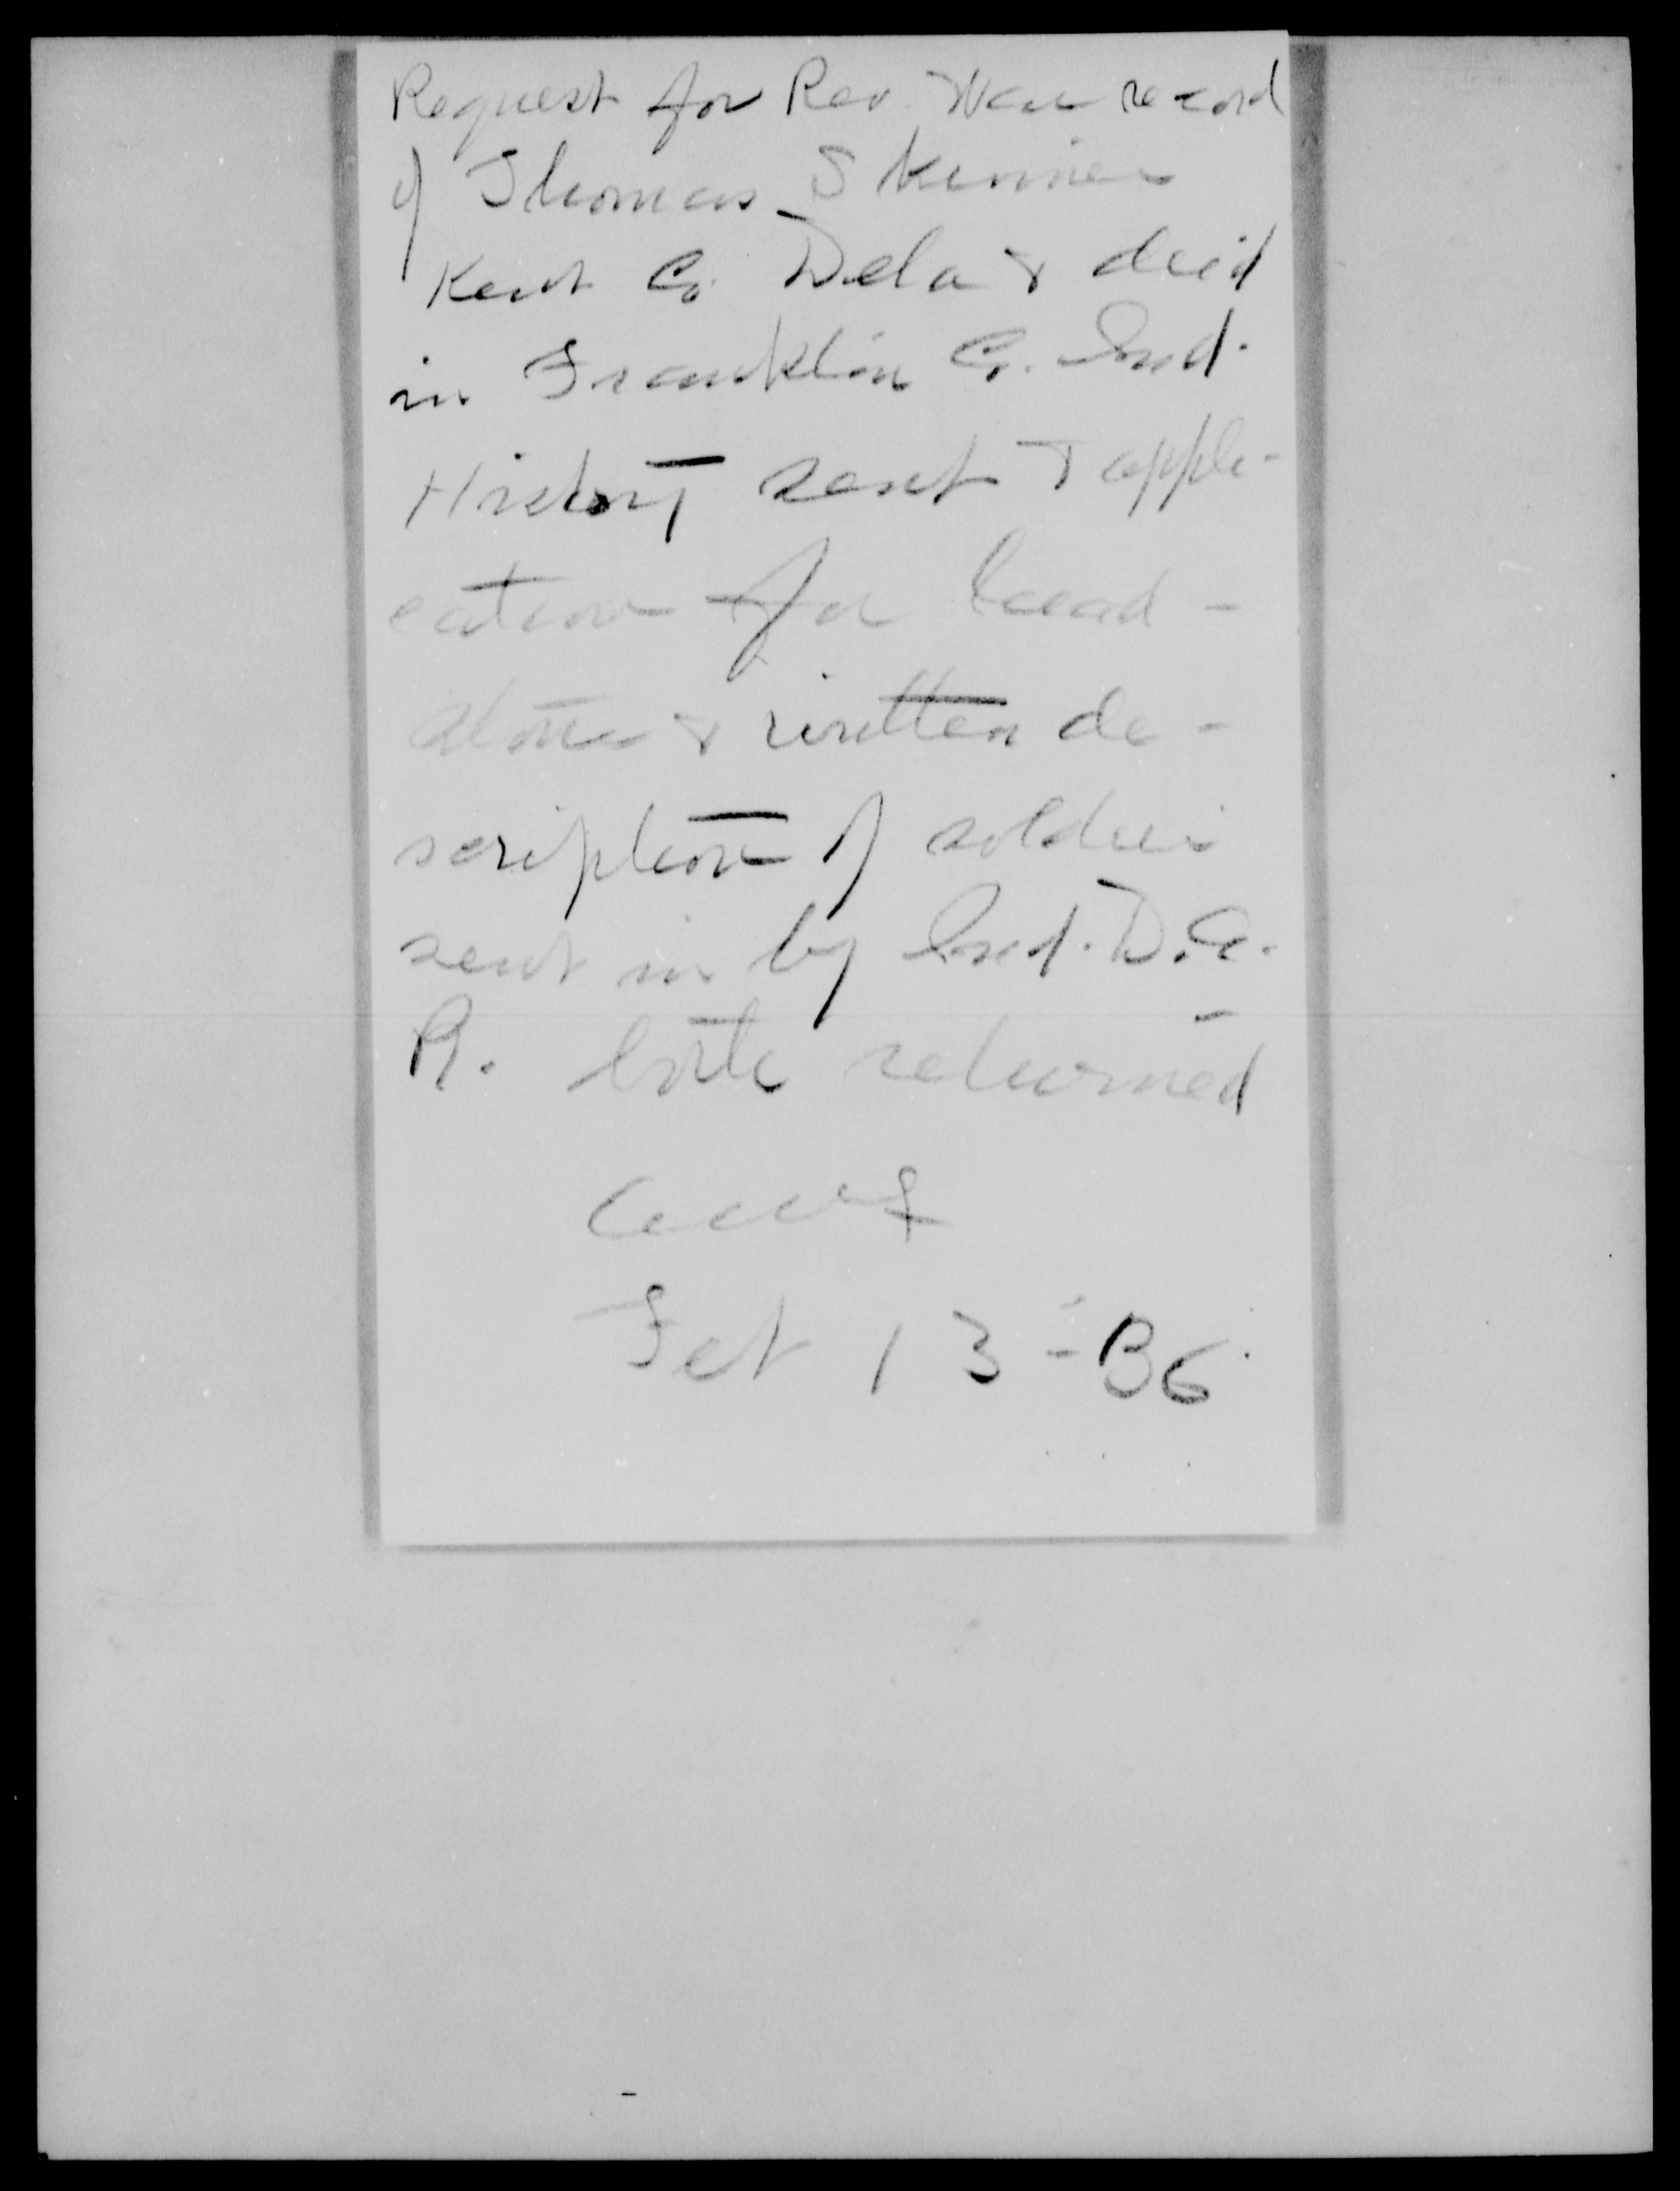Request for Rev. War record 
of Thomas Skinner

Kent Co. Dela & died
in Franklin Co. Ind.
History sent application for [illegible]
alone & written description of soldier
sent in by Ind. D.E.
R. [illegible] returned
[illegible]
Set 13-36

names: Thomas Skinner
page: 10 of 33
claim: rejected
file: R. 9635, for Thomas Skinner, Delaware